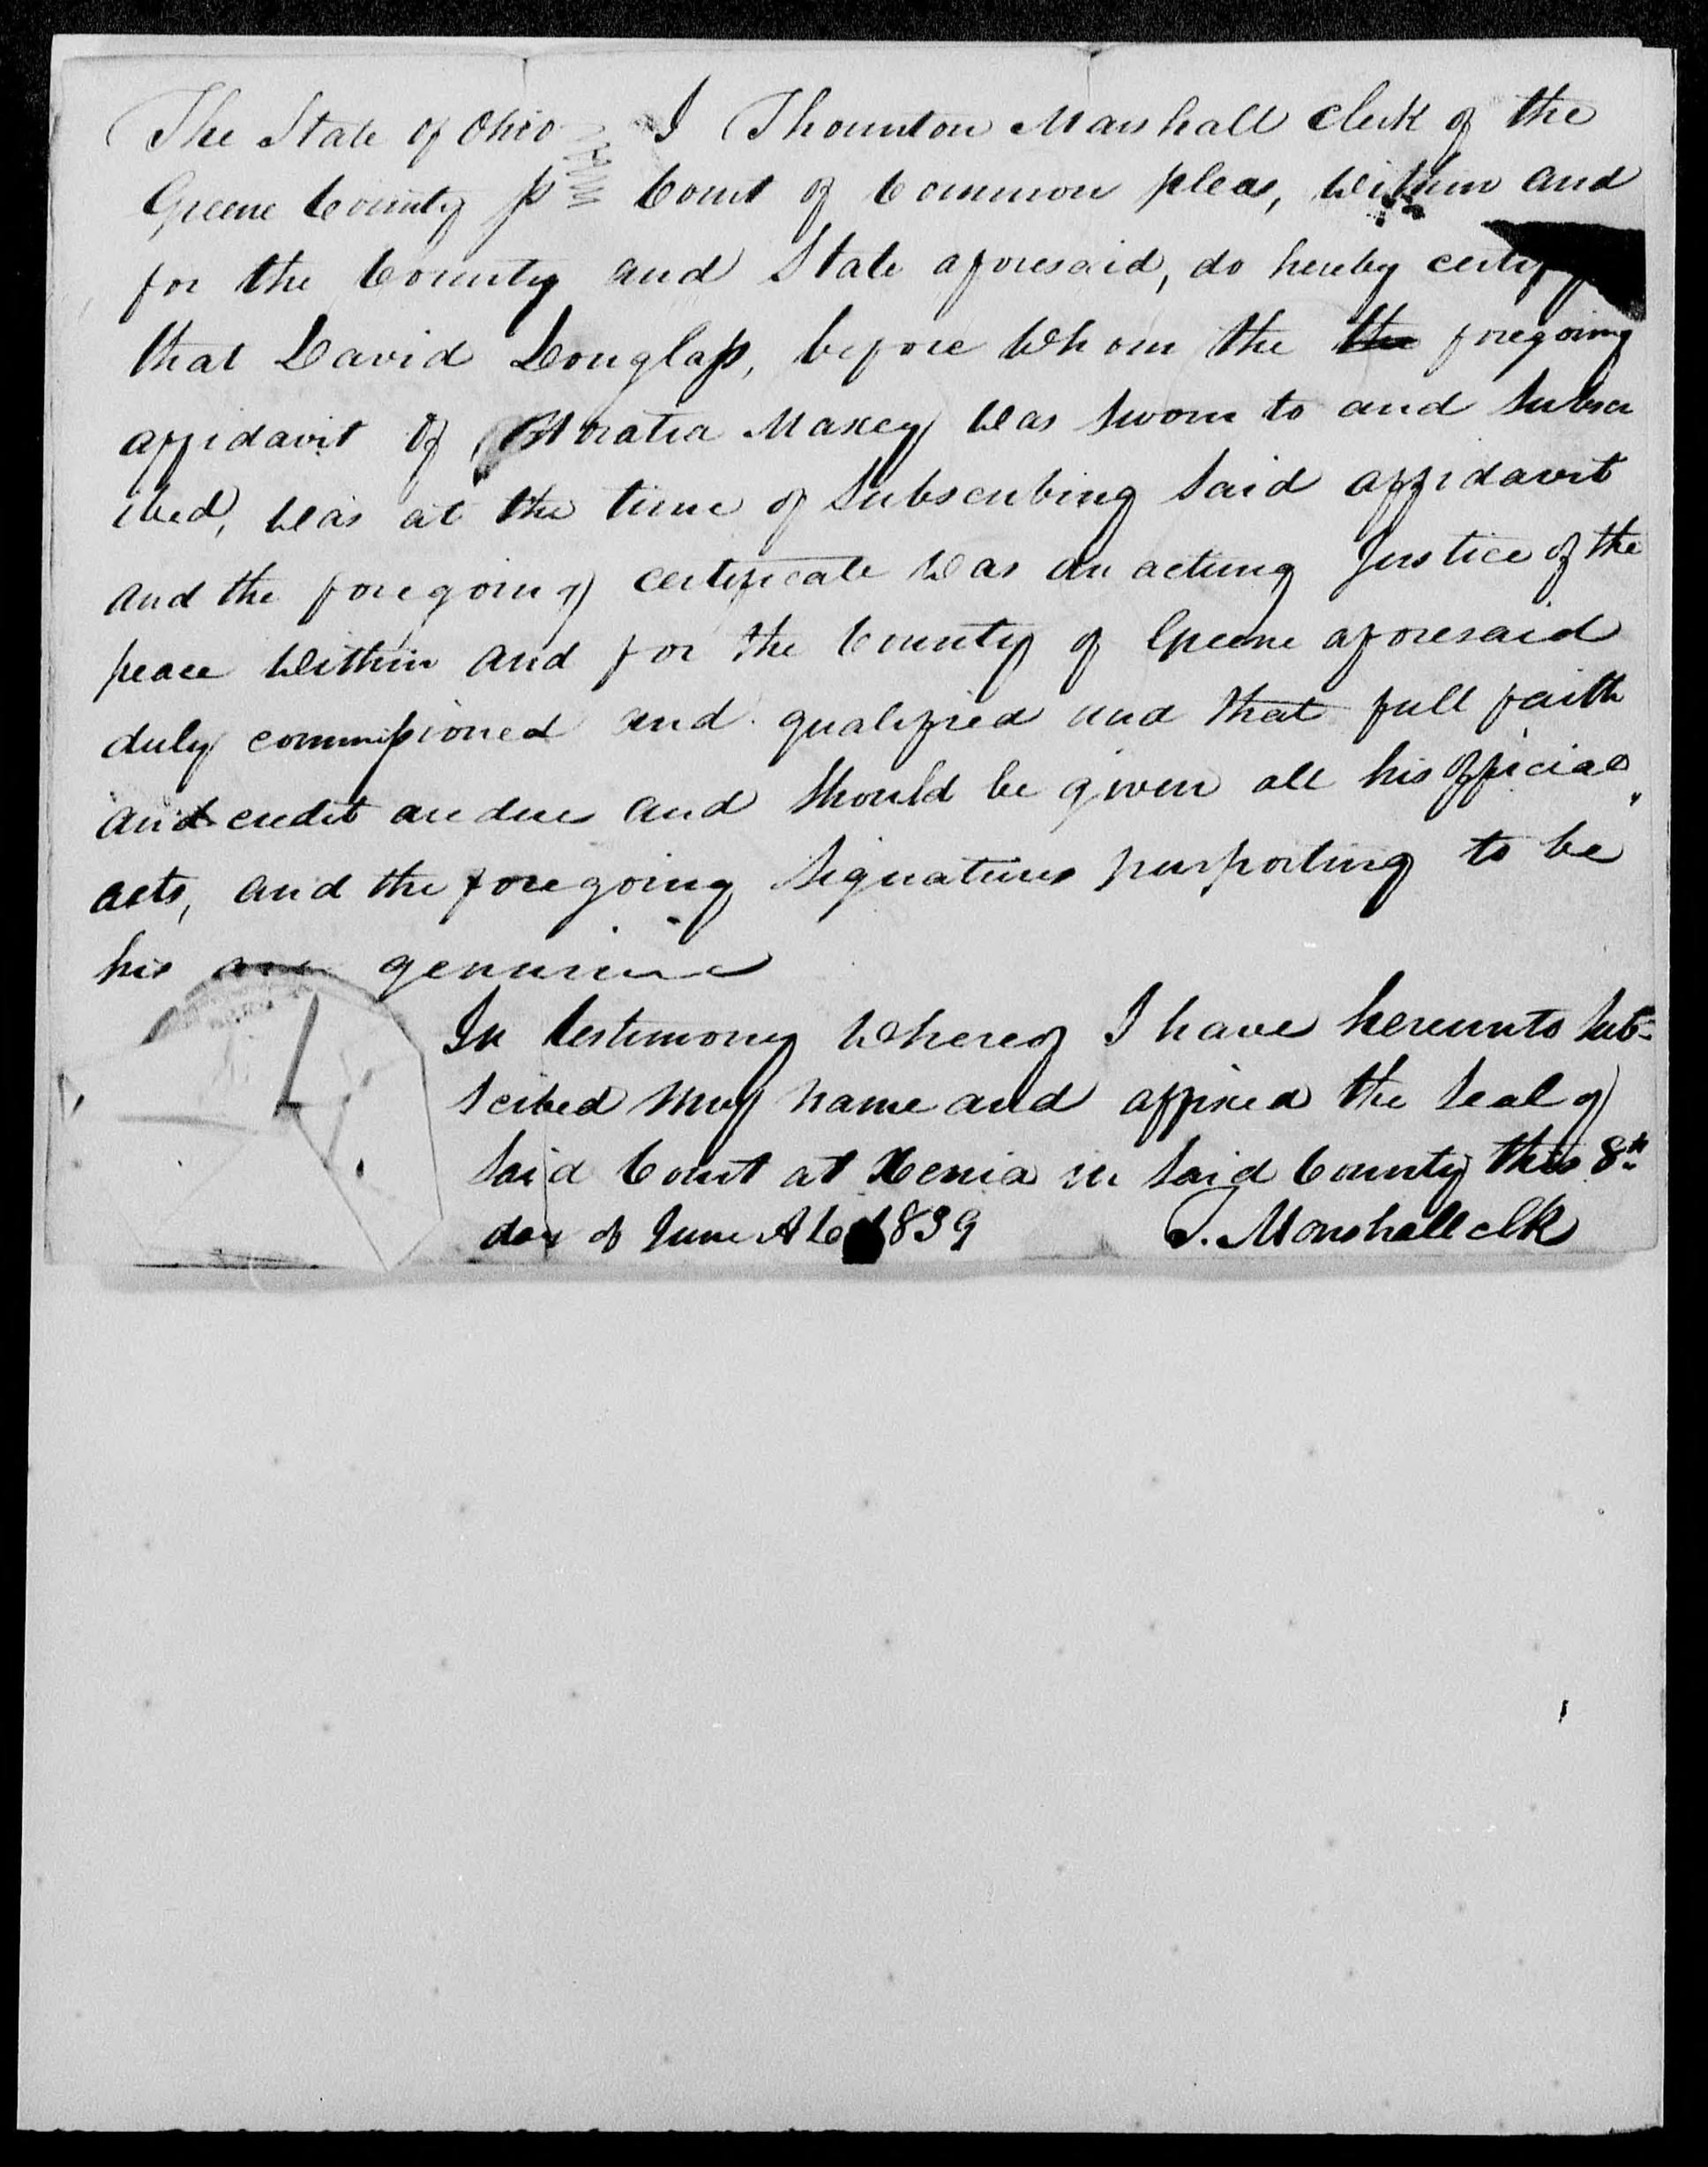The State of Ohio
Greene County SS
I Thornton Marshall Clerk of the Court of Common pleas, within and for the County and State aforesaid, do hereby certify that David Douglass, before whom the foregoing affidavit of Horatio Maxey was sworn to and subscribed, was at the time of subscribing said affidavit and the foregoing certificate was an acting Justice of the peace within and for the County of Greene aforesaid duly commissioned and qualified and that full faith and credit are due and should be given all his official acts, and the foregoing signatures purporting to be his are genuine.

In testimony whereof I have hereunto subscribed my name and affixed the seal of said Court at Xenia in said County this 8th day of June A.D. 1839
T Marshall Clk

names: Horatio Maxey, T Marshall, Thounton Marshall, David Douglass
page: 16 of 31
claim: survivor's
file: S. 3049, William G Bryant, Va.